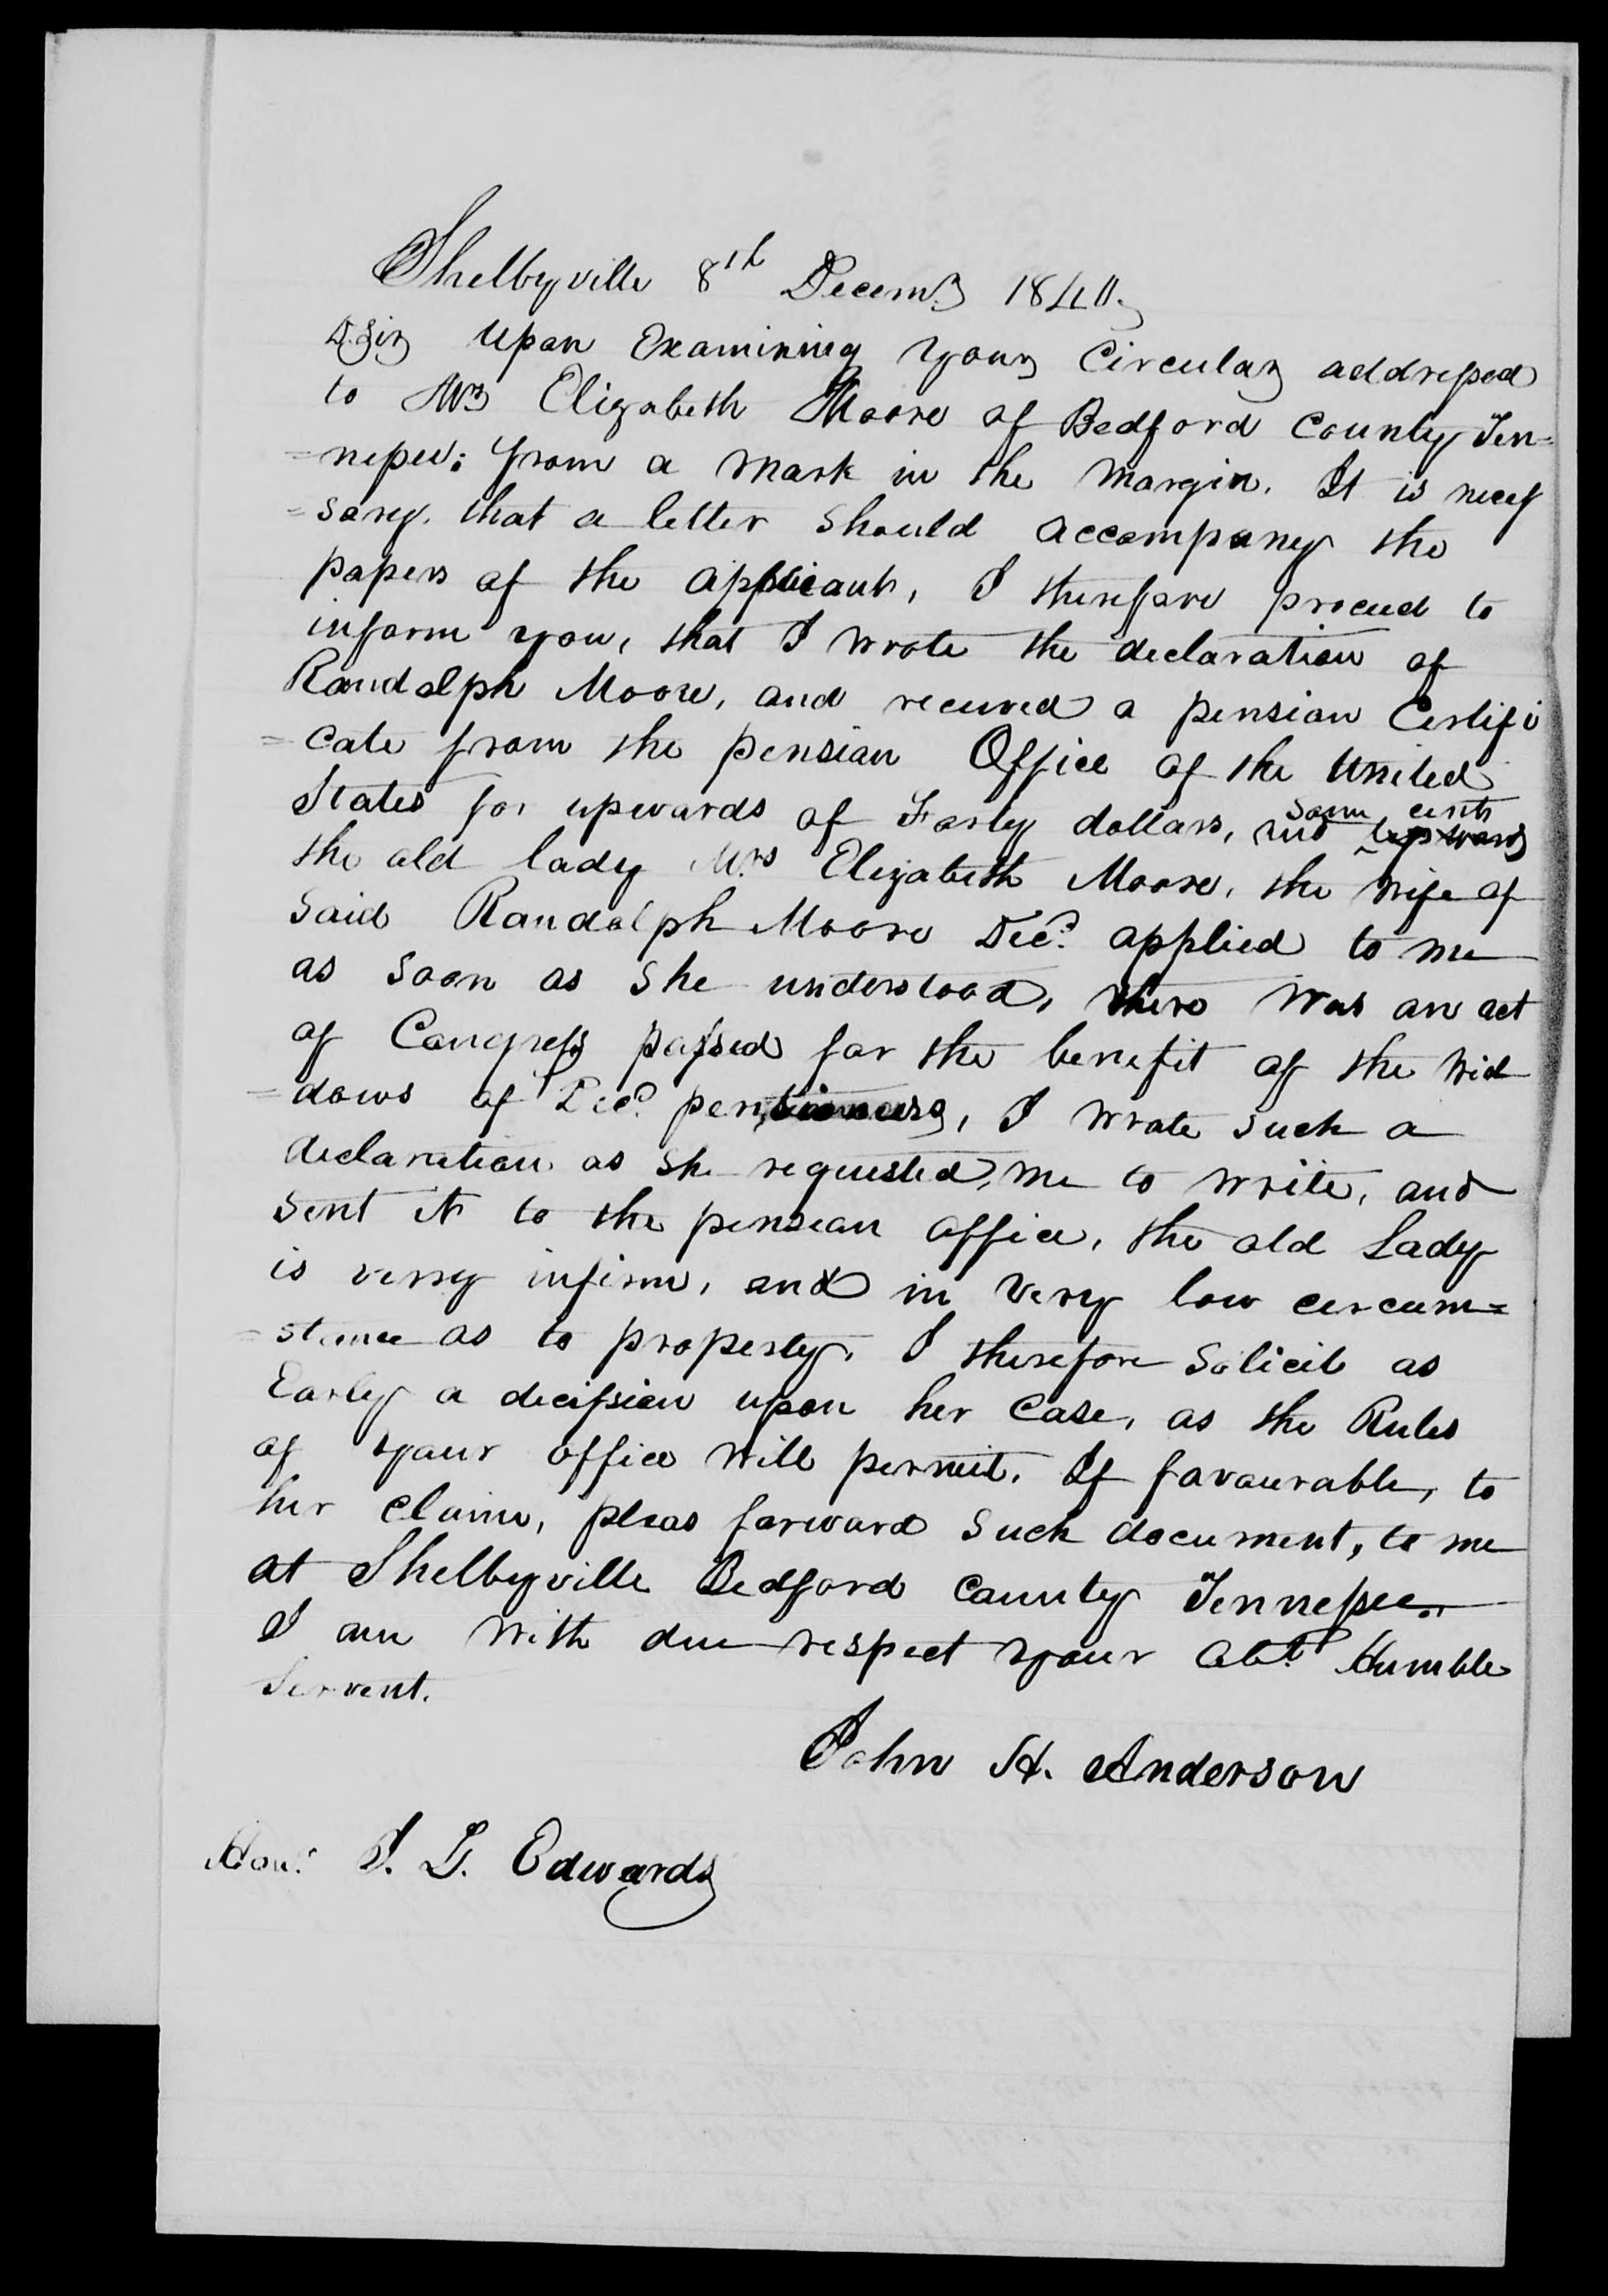Shelbyville 8th December 1840.

D. Sir Upon examining your circular addressed to Mrs. Elizabeth Moore of Bedford county Tennessee; from a mark in the margin. It is necessary that a letter should accompany the papers of the applicant, I therefore proceed to inform you, that I wrote the declaration of Randolph Moore and recovered a pension Certificate from the pension office of the United States for upwards of Forty dollars, and some cents the old lady Mrs. Elizabeth Moore, the wife of said Randolph Moore Dec'd. applied to me - as soon as she understood there was an act of Congress passed for the benefit of the widows of dec'd petitioners. I wrote such a declaration as she requested me to write and sent it to the pension office, the old lady is very infirm and in very low circumstance as to property. I therefore solicit as early a decision upon her case, as the rules of your office will premit. If favourable, to her claim, please forward such document to me at Shelbyville Bedford County Tennessee. I am with due respect your obt. humble Servent.
[Signature]
John H. Anderson

Hon. J. L. Edwards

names: Elizabeth Moore; Randolph Moore; J L Edwards; John H Anderson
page: 21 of 33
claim: widow's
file: W. 52, for Randolph Moore, North Carolina